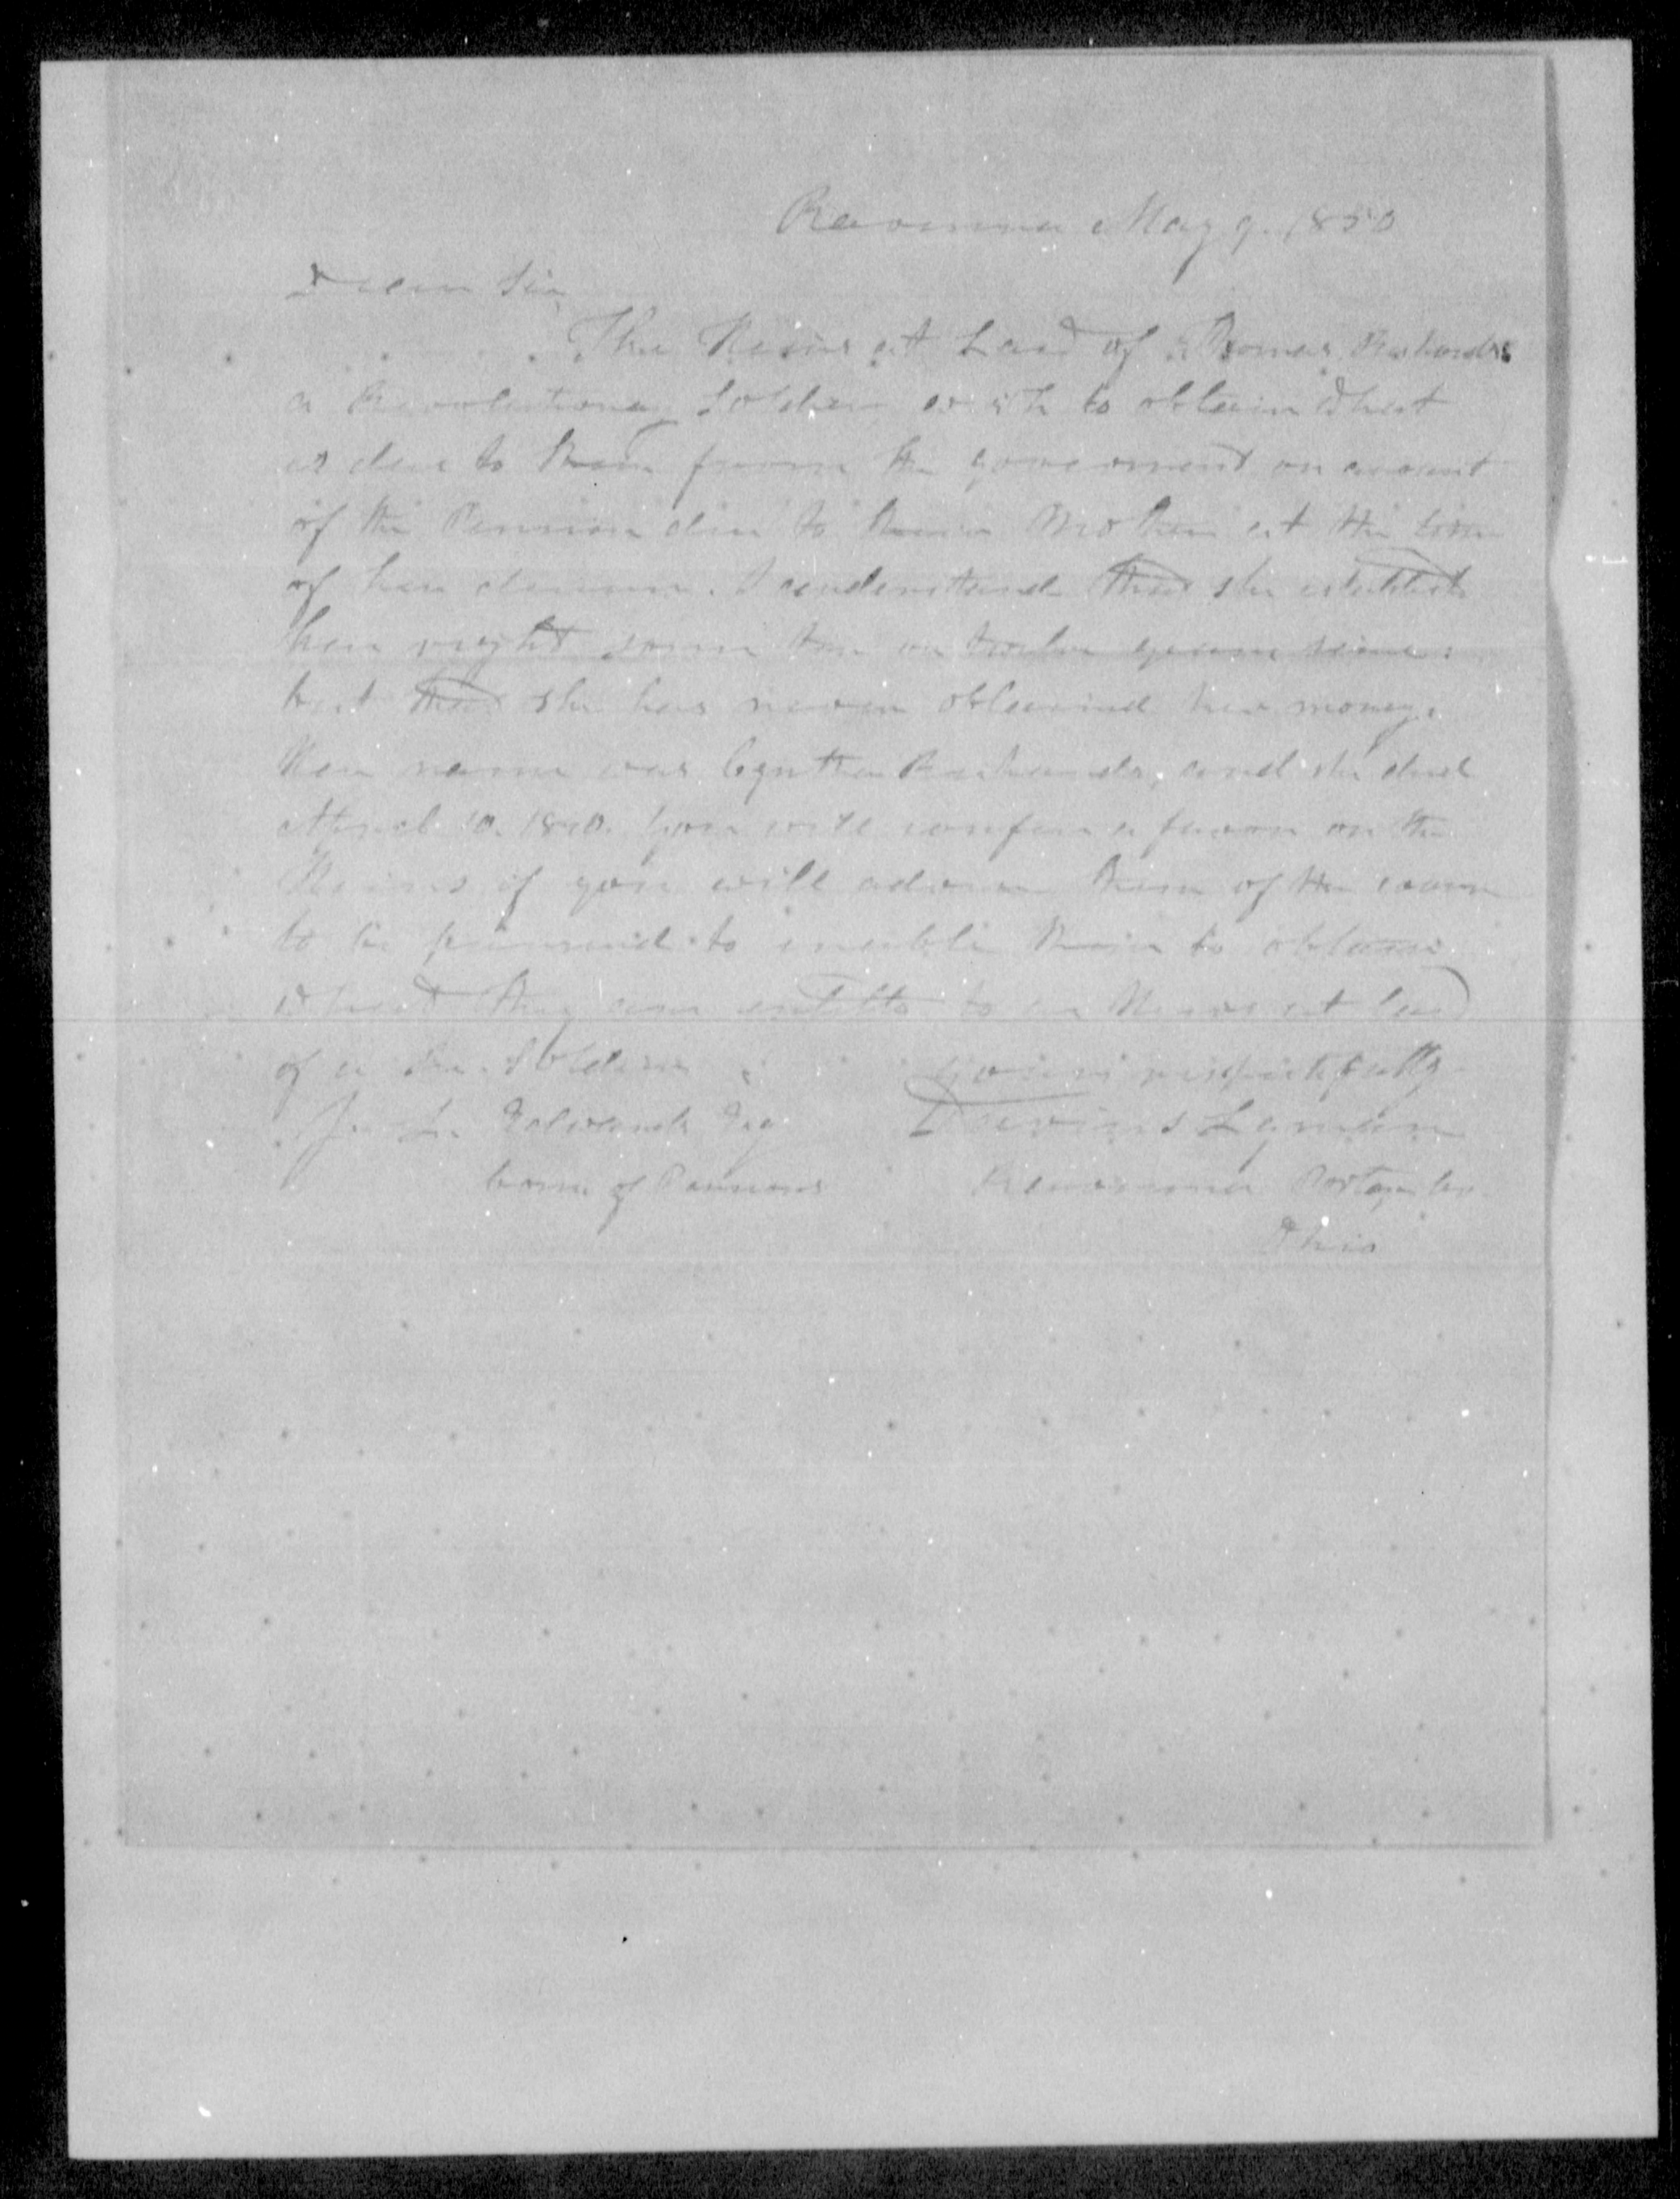Ravenna May 9. 1850
Dear Sir,
The Heirs at Law of Thomas Richards a Revolutionary Soldier wish to obtain what is due to him from the government on account
of the Pension due to his mother at the time
of her decease. I understand that she established her right some ten or twelve years since but that she has never obtained her money.

Her name was Cynthia Richards, and she died
April 10. 1840. You will confirm from on the
[illegible] if you will advise him of the same
to be permitted to enable him to obtain what they are entitled to [illegible] of the soldier
Yours respectfully
Darius Lyman
Ravenna Portage Cty [COUNTY] Ohio
J L Edwars Esq [ESQUIRE] Commr [COMMISSIONER] of Pensions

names: Thomas Richards; Cynthia Richards; J L Edwards; Davius Lyman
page: 52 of 109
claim: widow's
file: W. 5709, for Thomas Richards, New Hampshire